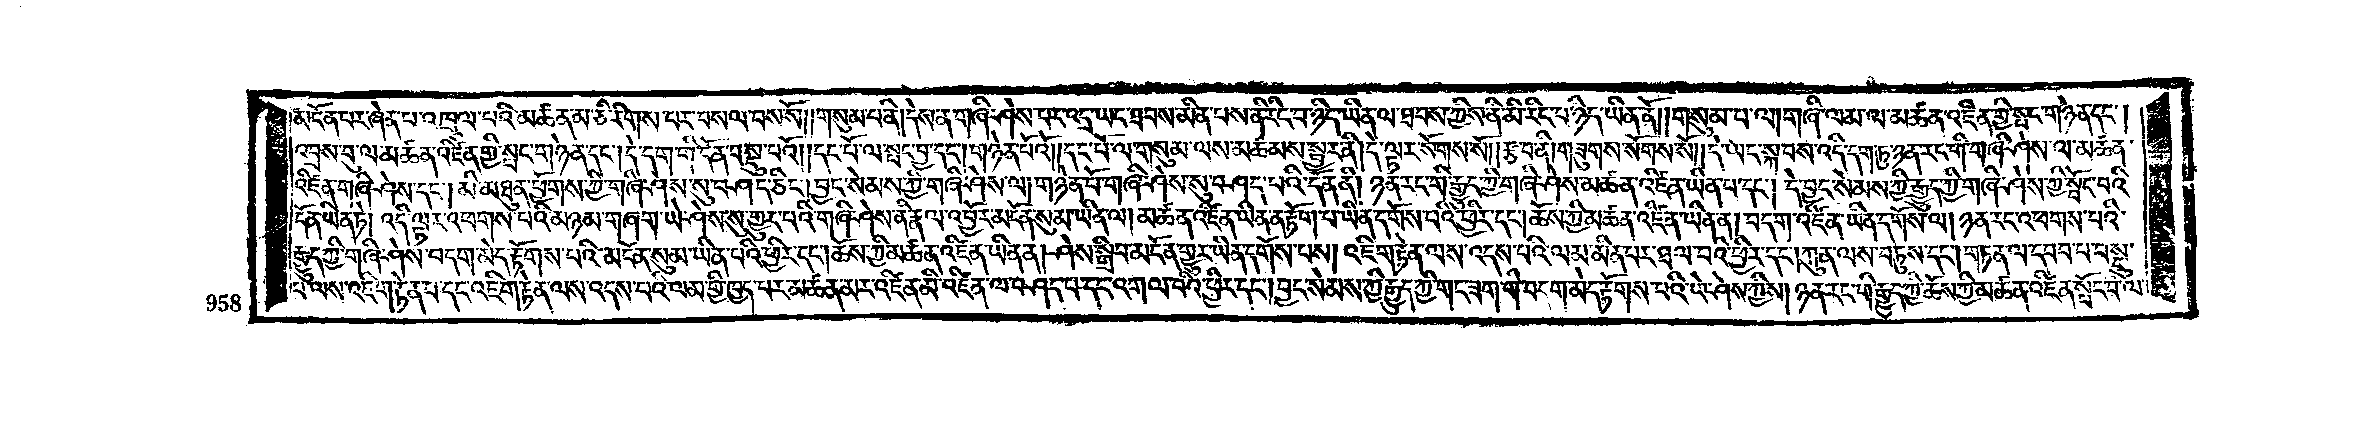མངོན་པར་ཞེན་པ་འཁྲུལ་པའི་མཚན་མ་ཅི་རིགས་པར་བསལ་བས་སོ། །གསུམ་པ་ནི། དེས་ན་གཞི་ཤེས་པར་འདྲ་ཡང་ཐབས་མིན་པས་ནི་རིང་བ་ཉིད་ཡིན་ལ་ཐབས་ཀྱིས་ནི་མི་རིང་བ་ཉིད་ཡིན་ནོ། །གསུམ་པ་ལ། གཞི་ལམ་ལ་མཚན་འཛིན་གྱི་སྤང་གཉེན་དང་།
འབྲས་བུ་ལ་མཚན་འཛིན་གྱི་སྤང་གཉེན་དང་། དེ་དག་གི་དོན་བསྡུ་བའོ། །དང་པོ་ལ་སྤང་བྱ་དང་། གཉེན་པོའོ། །དང་པོ་ལ་གསུམ་ལས་མཚམས་སྦྱར་ནི། དེ་ལྟར་སོགས་སོ། །རྩ་བ་ནི། གཟུགས་སོགས་སོ། །དེ་ཡང་སྐབས་འདི་དག་ཏུ་ཉན་རང་གི་གཞི་ཤེས་ལ་མཚན་
འཛིན་གཞི་ཤེས་དང་། མི་མཐུན་ཕྱོགས་ཀྱི་གཞི་ཤེས་སུ་བཤད་ཅིང་། བྱང་སེམས་ཀྱི་གཞི་ཤེས་ལ། གཉེན་པོ་གཞི་ཤེས་སུ་བཤད་པའི་དོན་ནི། ཉན་རང་གི་རྒྱུད་ཀྱི་གཞི་ཤེས་མཚན་འཛིན་ཡིན་པ་དང་། དེ་བྱང་སེམས་ཀྱི་རྒྱུད་ཀྱི་གཞི་ཤེས་ཀྱི་སྤོང་བའི་
དོན་ཡིན་ཏེ། འདི་ལྟར་འཕགས་པའི་མཉམ་གཞག་ཡེ་ཤེས་སུ་གྱུར་བའི་གཞི་ཤེས་ནི་རྣལ་འབྱོར་མངོན་སུམ་ཡིན་ལ། མཚན་འཛིན་ཡིན་ན་རྟོག་པ་ཡིན་དགོས་པའི་ཕྱིར་དང་། ཆོས་ཀྱི་མཚན་འཛིན་ཡིན་ན། བདག་འཛིན་ཡིན་དགོས་ལ། ཉན་རང་འཕགས་པའི་
རྒྱུད་ཀྱི་གཞི་ཤེས་བདག་མེད་རྟོགས་པའི་མངོན་སུམ་ཡིན་པའི་ཕྱིར་དང་། ཆོས་ཀྱི་མཚན་འཛིན་ཡིན་ན། ཤེས་སྒྲིབ་མངོན་གྱུར་ཡིན་དགོས་པས། འཇིག་རྟེན་ལས་འདས་པའི་ལམ་མིན་པར་ཐལ་བའི་ཕྱིར་དང་། ཀུན་ལས་བཏུས་དང་། གཏན་ལ་དབབ་པ་བསྡུ་
པ་ལས་འཇིག་རྟེན་པ་དང་འཇིག་རྟེན་ལས་འདས་པའི་ལམ་གྱི་ཁྱད་པར་མཚན་མར་འཛིན་མི་འཛིན་ལ་བཤད་པ་དང་འགལ་བའི་ཕྱིར་དང་། བྱང་སེམས་ཀྱི་རྒྱུད་ཀྱི་གང་ཟག་གི་བདག་མེད་རྟོགས་པའི་ཡེ་ཤེས་ཀྱིས། ཉན་རང་གི་རྒྱུད་ཀྱི་ཆོས་ཀྱི་མཚན་འཛིན་སྤོང་བ་ལ།